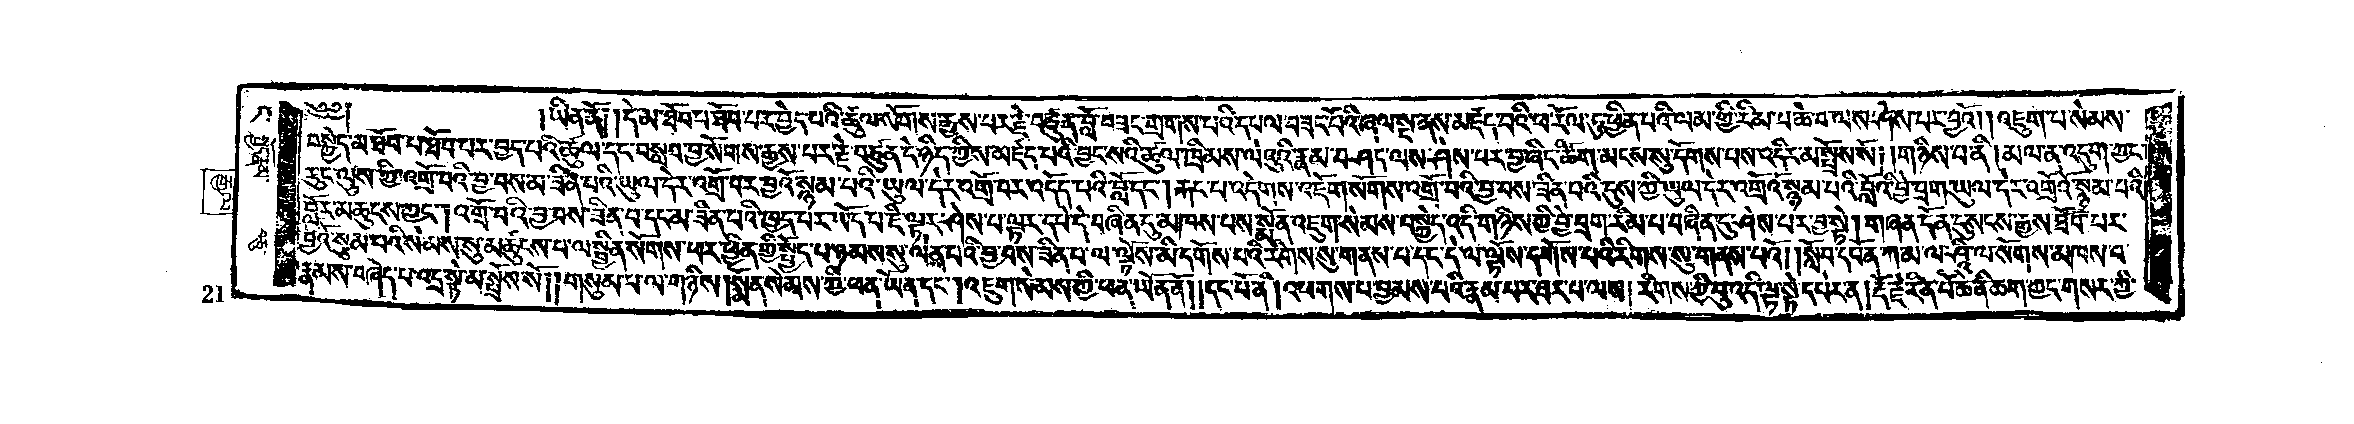༄༅། །ཡིན་ནོ། །དེ་མ་ཐོབ་པ་ཐོབ་པར་བྱེད་པའི་ཚུལ་སོགས་རྒྱས་པར་རྗེ་བཙུན་བློ་བཟང་གྲགས་པའི་དཔལ་བཟང་པོའི་ཞལ་སྔ་ནས་མཛད་པའི་ཕ་རོལ་ཏུ་ཕྱིན་པའི་ལམ་གྱི་རིམ་པ་ཆེ་བ་ལས་ཤེས་པར་བྱའོ། །འཇུག་པ་སེམས་
བསྐྱེད་མ་ཐོབ་པ་ཐོབ་པར་བྱེད་པའི་ཚུལ་དང་བསླབ་བྱ་སོགས་རྒྱས་པར་རྗེ་བཙུན་དེ་ཉིད་ཀྱིས་མཛད་པའི་བྱང་སའི་ཚུལ་ཁྲིམས་ལེའུའི་རྣམ་བཤད་ལས་ཤེས་པར་བྱ་ཞིང་ཚིག་མངས་སུ་དོགས་པས་འདིར་མ་སྤྲོས་སོ། །གཉིས་པ་ནི། མལ་ན་འདུག་ཀྱང་
རུང་ལུས་ཀྱི་འགྲོ་བའི་བྱ་བས་མ་ཟིན་པའི་ཡུལ་དེར་འགྲོ་བར་བྱའོ་སྙམ་པའི་ཡུལ་དེར་འགྲོ་བར་འདོད་པའི་བློ་དང་། རྐང་པ་འདེགས་འཇོག་སོགས་འགྲོ་བའི་བྱ་བས་ཟིན་པའི་དུས་ཀྱི་ཡུལ་དེར་འགྲོའོ་སྙམ་པའི་བློའི་བྱེ་བྲག་ཡུལ་དེར་འགྲོའོ་སྙམ་པའི་
བློར་མཚུངས་ཀྱང་། འགྲོ་བའི་བྱ་བས་ཟིན་པ་དང་མ་ཡིན་པའི་ཁྱད་པར་ཡོད་པ་ཇི་ལྟར་ཤེས་པ་ལྟར་དཔེ་དེ་བཞིན་དུ་མཁས་པས་སྨོན་འཇུག་སེམས་བསྐྱེད་འདི་གཉིས་ཀྱི་བྱེ་བྲག་རིམ་པ་བཞིན་དུ་ཤེས་པར་བྱ་སྟེ། གཞན་དོན་དུ་སངས་རྒྱས་ཐོབ་པར་
བྱའོ་སྙམ?་པའི་སེམས་སུ་མཚུངས་པ་ལ་སྦྱིན་སོགས་ཕར་ཕྱིན་གྱི་སྤྱོད་པ་ཉམས་སུ་ལེན་པའི་བྱ་བས་ཟིན་པ་ལ་ལྟོས་མི་དགོས་པའི་རིགས་སུ་གནས་པ་དང་དེ་ལ་ལྟོས་དགོས་པའི་རིགས་སུ་གནས་པའོ། །སློབ་དཔོན་ཀ་མ་ལ་ཤཱི་ལ་སོགས་མཁས་པ་
རྣམས་བཞེད་པ་འདྲ་སྟེ་མ་སྤྲོས་སོ། །གསུམ་པ་ལ་གཉིས། སྨོན་སེམས་ཀྱི་ཕན་ཡོན་དང་། འཇུག་སེམས་ཀྱི་ཕན་ཡོན་ནོ། །དང་པོ་ནི། འཕགས་པ་བྱམས་པའི་རྣམ་པར་ཐར་པ་ལས། རིགས་ཀྱི་བུ་འདི་ལྟ་སྟེ་དཔེར་ན། རྡོ་རྗེ་རིན་པོ་ཆེན་ཚིག་ཀྱང་གསར་ཀྱི་